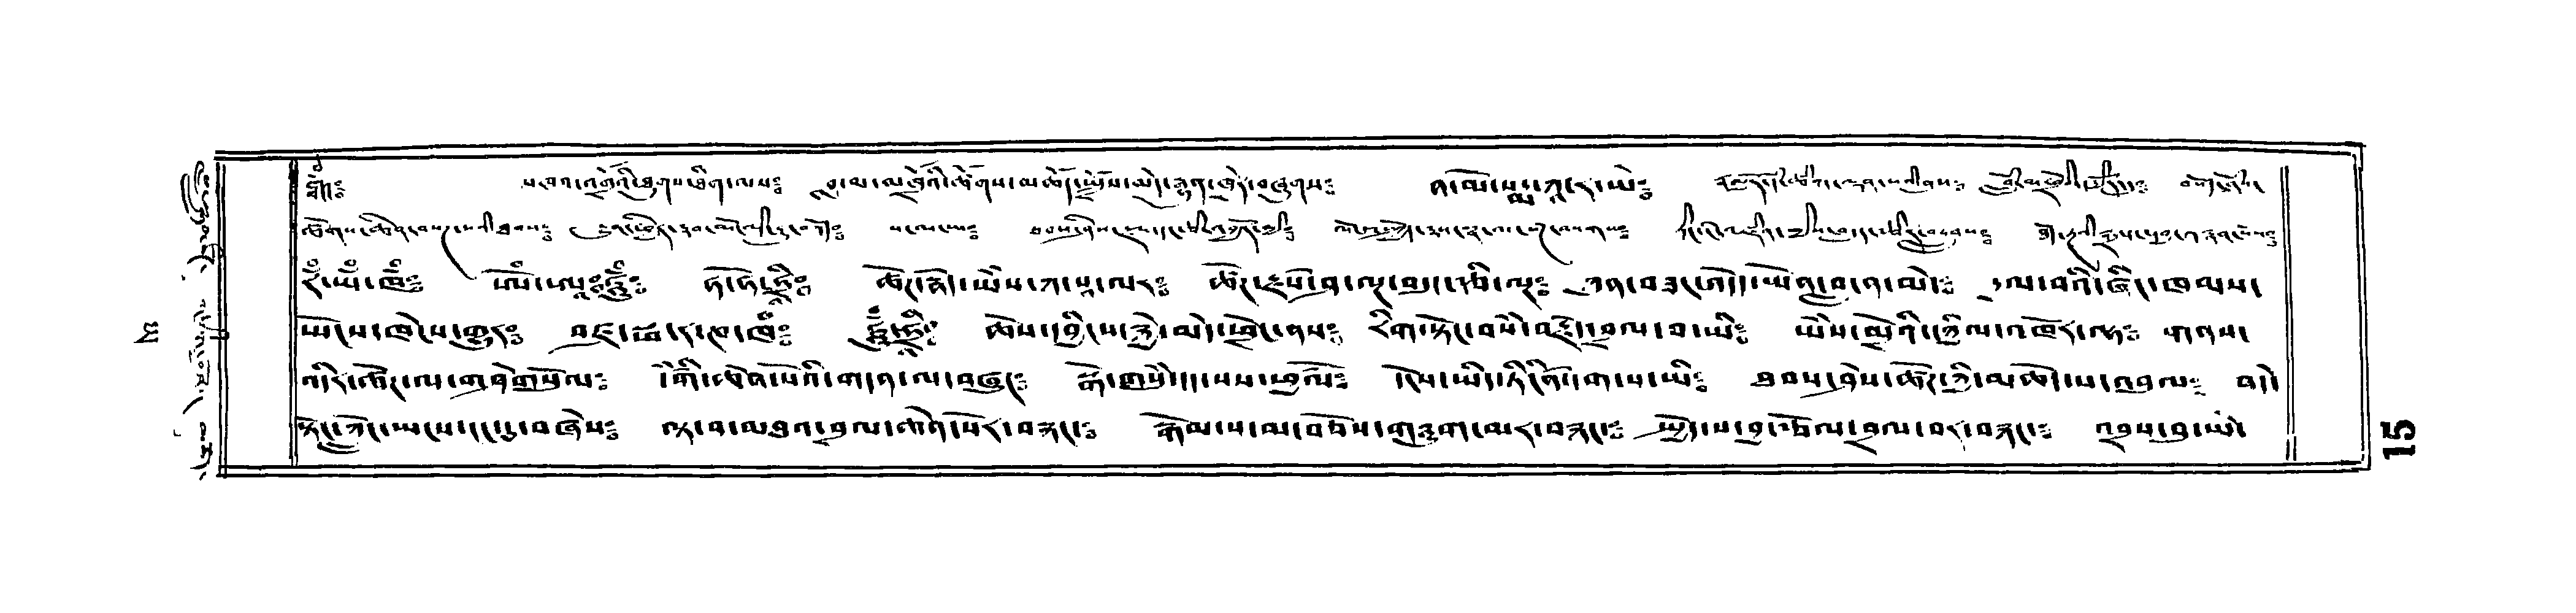མཁའ་འགྲོའི་ཐུགས་ཐིག་ལས༔ བླ་མ་མཁའ་འགྲོའི་ཚོགས་མཆོད་སྤྲོས་མེད་རྒྱུན་ཁྱེར་བཞུགས༔ ན་མོ་པདྨ་ཀཱ་ར་ཡེ༔ རྣལ་འབྱོར་དམ་ཚིག་ལྡན་པའི་དབུས༔ བླ་མ་མཁའ་འགྲོའི་དཀྱིལ་དུ༔ བསོད་ནམས་
ཚོགས་ཆེན་བསོག་པའི་ཐབས༔ རྒྱུན་ཁྱེར་ཟབ་མོ་འདིར་རུ་བཀོད༔ ས་མ་ཡ༔ ཐབས་ཤེས་རྫས་དང་ཅི་འབྱོར་གྱི༔ ལོངས་སྤྱོད་ཟས་སྣ་ལ་སོགས་བསགས༔ ཏིང་ངེ་འཛིན་གྱིས་བདུད་རྩིར་བརླབས༔ ཐོད་རྔའི་སྒྲ་དང་དབྱངས་སྙན་པོས༔ 
རྃ་ཡྃ་ཁྃ༔ ཨོཾ་ཨཱཿཧཱུྃ༔ ཧ་ཧོ་ཧྲཱིཿ ཚོགས་སྣོད་ཡེ་ཤེས་ཀ་པཱ་ལར༔ ཚོགས་རྫས་ཤ་ལྔ་བདུད་རྩི་ལྔ༔ ཀུན་བཟང་འདོད་ཡོན་བླ་ན་མེད༔ རྒྱལ་བའི་ཞིང་ཁམས་
ཡོངས་ཁེངས་གྱུར༔ བཛྲ་སྥ་ར་ཎ་ཁཾཿ ཧཱུྃ་ཧྲཱིཿ ཆོས་དབྱིངས་སྐྱེ་མེད་ཕོ་བྲང་ནས༔ རིག་སྟོང་བསམ་བརྗོད་བྲལ་བ་ཡི༔ ཡེ་ཤེས་མཁའ་འགྲོའི་དཀྱིལ་འཁོར་ལྷ༔ གནས་
འདིར་ཚོགས་ལ་གཤེགས་སུ་གསོལ༔ དམ་ཚིག་ཆེན་པོའི་གདན་ལ་བཞུགས༔ སྒོ་གསུམ་དད་པས་ཕྱག་འཚལ་ལོ༔ དངོས་ཡིད་ཏིང་འཛིན་དག་པ་ཡི༔ ཐབས་ཤེས་ཚོགས་ཀྱི་མཆོད་པ་འབུལ༔ བདེ་
སྟོང་ཀློང་ཡངས་ངང་དུ་བཞེས༔ ལྟ་བ་མཐའ་བྲལ་ཆེན་པོར་བསྐང༔ སྒོམ་པ་མ་བཅོས་གཉུག་མར་བསྐང༔ སྤྱོད་པ་བྱ་རྩོལ་བྲལ་བར་བསྐང༔ འབྲས་བུ་ཡེ་